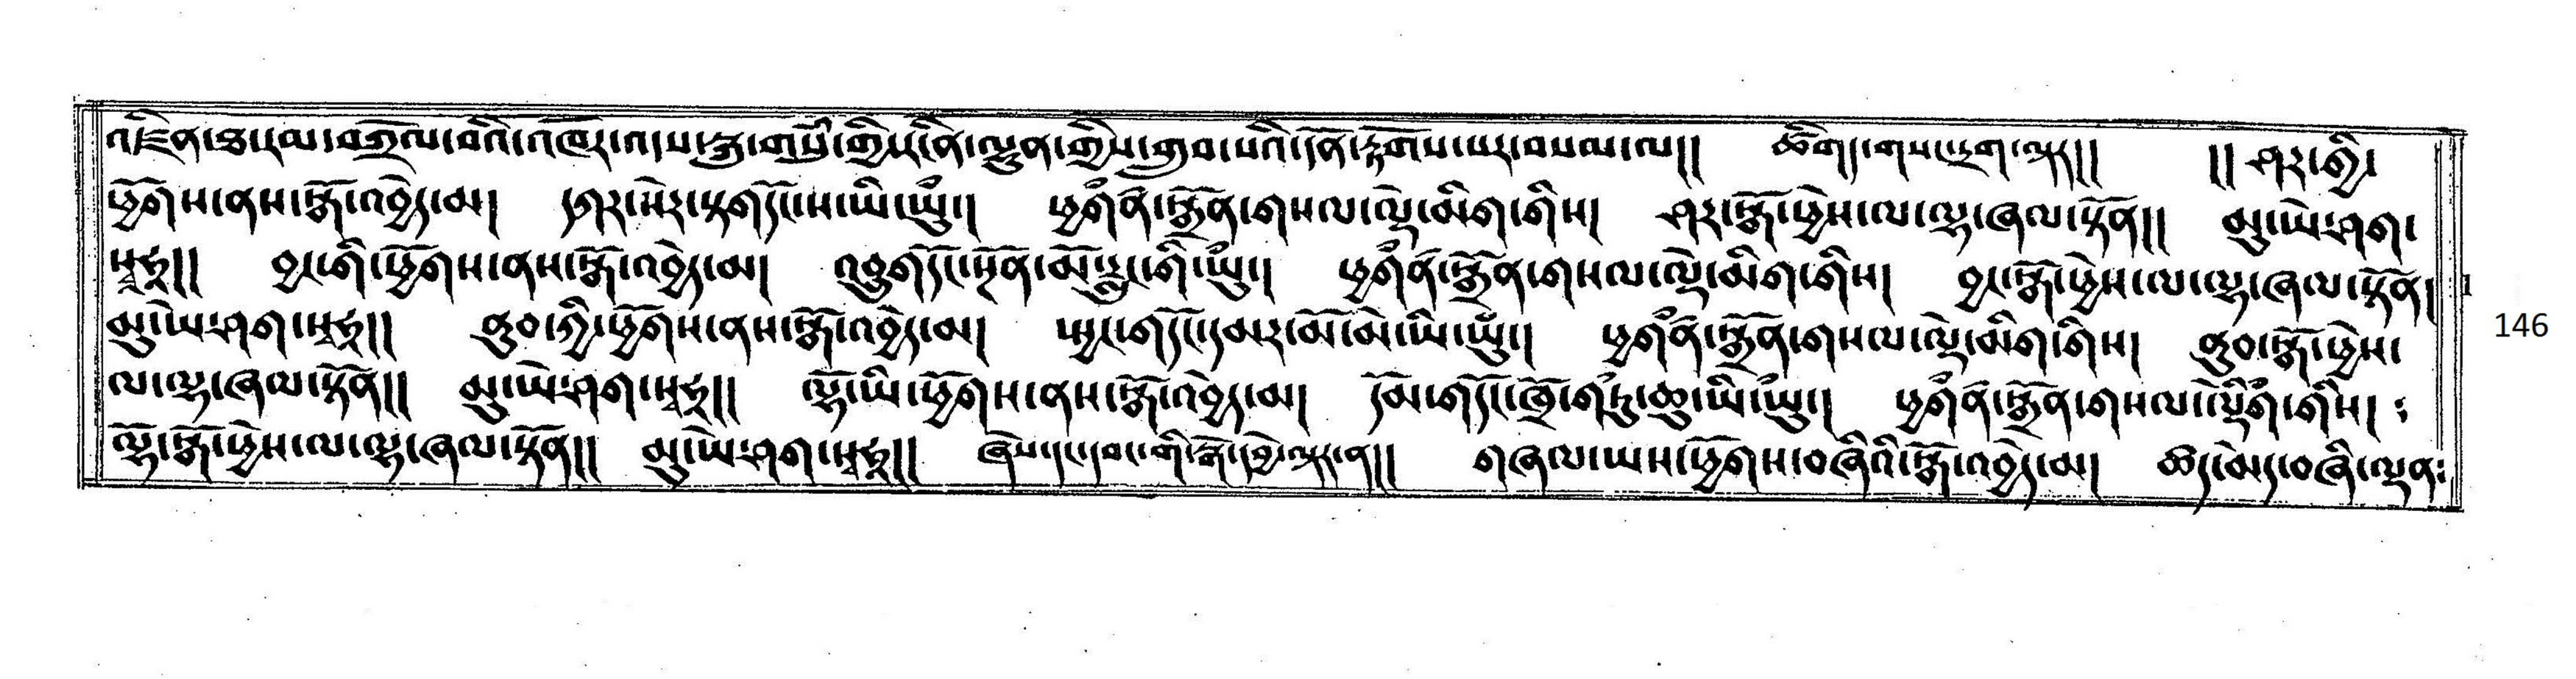འཛིན་ཐ་རམ་བཀྲོལ་བའི་འཁོར་འདས་སྐུ་གསུམ་གྱི་རང་བཞིན་ལྷུན་གྱིས་གྲུབ་པའི་དོན་རྟོགས་པར་བསམ་ལ།། ཚིག་བཤད་གསང་དྲག་ལྟར།། །།ཤར་གྱི་
ཕྱོགས་ནས་སྒོ་འབྱེད་མ། དཀར་སེར་སྟག་གདོང་ས་ཡི་ཡུམ། ཕྱག་མཚན་སྒྲོན་གསལ་ལྡེ་མིག་གིས། ཤར་སྒོ་ཕྱེས་ལ་ལྷ་ཞལ་སྟོན།། མུ་ཡེ་ཤག་
སྭཱཧཱ།། བྱང་གི་ཕྱོགས་ནས་སྒོ་འབྱེད་མ། འབྲུག་གདོང་སྔོན་མོ་རླུང་གི་ཡུམ། ཕྱག་མཚན་སྒྲོན་གསལ་ལྡེ་མིག་གིས། བྱང་སྒོ་ཕྱེས་ལ་ལྷ་ཞལ་སྟོན། 
མུ་ཡེ་ཤག་སྭཧཱ།། ནུབ་ཀྱི་ཕྱོགས་ནས་སྒོ་འབྱེད་མ། སྤྱང་གདོང་དམར་མོ་མེ་ཡི་ཡུམ། ཕྱག་མཚན་སྒྲོན་གསལ་ལྡེ་མིག་གིས། ནུབ་སྒོ་ཕྱེས་
ལ་ལྷ་ཞལ་སྟོན།། མུ་ཡེ་ཤག་སྭཧཱ།། ལྷོ་ཡི་ཕྱོགས་ནས་སྒོ་འབྱེད་མ། དོམ་གདོང་ཁྲོ་གཏུམ་ཆུ་ཡི་ཡུམ། ཕྱག་མཚན་སྒྲོན་གསལ་ལྡེ་མིག་གིས། 
ལྷོ་སྒོ་ཕྱེས་ལ་ལྷ་ཞལ་སྟོན།། མུ་ཡེ་ཤག་སྭཧཱ།། ཞེས་དང་དབང་གི་སྒོ་དབྱེ་ལྟར་ན།། གཞལ་ཡས་ཕྱོགས་བཞིའི་སྒོ་འབྱེད་མ། ཚད་མེད་བཞི་ལྡན་